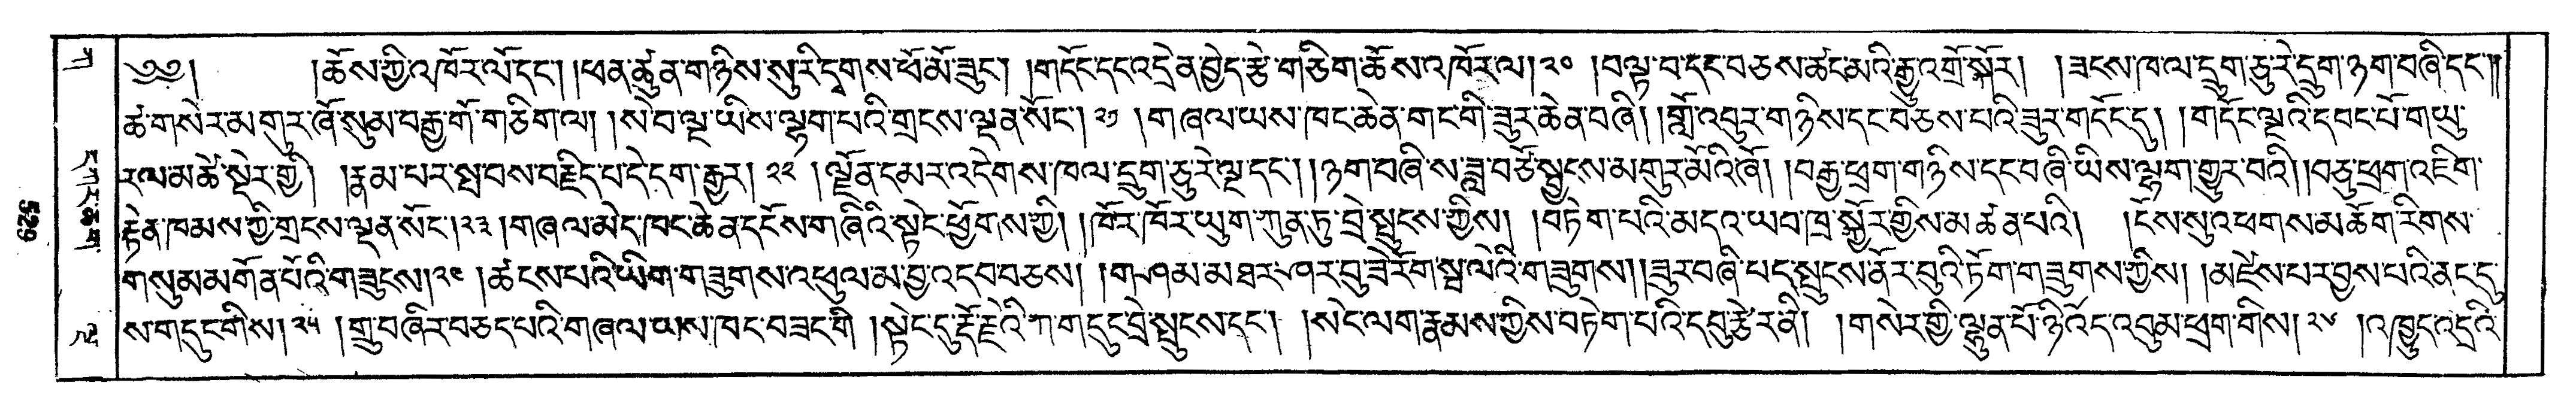༄༅། །ཆོས་ཀྱི་འཁོར་ལོ་དང་། །ཕན་ཚུན་གཉིས་སུ་རི་དྭགས་ཕོ་མོ་ཟུང་། །གདོང་དང་འདྲེན་བྱེད་རྩེ་གཅིག་ཆོས་འཁོར་ལ། ༢༠་།བལྟ་བ་དང་བཅས་ཚང་མའི་རྒྱུ་འགྲོ་སྐོར། །ཟངས་ཁལ་དྲུག་ཅུ་རེ་དྲུག་ཉག་བཞི་དང།།
ཚ་གསེར་མགུར་ཞོ་སུམ་བརྒྱ་གོ་གཅིག་ལ། །སེ་བ་ལྔ་ཡིས་ལྷག་པའི་གྲངས་ལྡན་སོང་། ༢༡་།གཞལ་ཡས་ཁང་ཆེན་གང་གི་ཟུར་ཆེན་བཞི། །གློ་འབུར་གཉིས་དང་བཅས་པའི་ཞུར་གདོང་དུ། །གདོང་ལྔའི་དབང་པོ་གཡུ་
རལ་མཆེ་སྡེར་གྱི། །རྣམ་པར་སྤ་བས་བརྗིད་པ་དེ་དག་རྒྱུར། ༢༢་།ལྗོན་དམར་འདེགས་ཁལ་དྲུག་ཅུ་རེ་ལྔ་དང་། །ཉག་བཞི་ས་ཟླ་བཙོ་སྦྱངས་མགུར་མོའོ་ཞོ། །བརྒྱ་ཕྲག་གཉིས་དང་བཞི་ཡིས་ལྷག་གྱུར་པའི། །བཅུ་ཕྲག་འཇིག་
རྟེན་ཁམས་ཀྱི་གྲངས་ལྡན་སོང་། ༢༣་།གཞལ་མེད་ཁང་ཆེན་དངོས་གཞིའི་སྟེང་ཕྱོགས་ཀྱི། །ཁོར་ཁོར་ཡུག་ཀུན་ཏུ་བྲེ་སྤུངས་ཀྱིས། །བཏེག་པའི་མདའ་ཡབ་ཁྲ་སྐྱོར་གྱིས་མཚན་པའི། །ངོས་སུ་འཕགས་མཆོག་རིགས་
གསུམ་མགོན་པོའི་གཟུངས། ༢༤་།ཚངས་པའི་ཡིག་གཟུགས་འཕུལ་མ་བྱ་འདབ་བཅས། །གཤམ་མཐར་ཤར་བུ་ཟེ་རོག་སྤ་ལེའི་གཟུགས། ཟུར་བཞི་པད་སྤུངས་ནོར་བུའི་ཏོག་གཟུགས་ཀྱིས། །མཛེས་པར་བྱས་པའི་ནང་དུ་
ས་གདུང་གིས། ༢༥་།གྲུ་བཞིར་བཅད་པའི་གཞལ་ཡས་ཁང་བཟའ་གི །སྟེང་དུ་རྡོ་རྗེའི་ཀ་གདུང་བྱེ་སྤུངས་དང་། །སེང་ལག་རྣམས་ཀྱིས་བཏག་པའི་དབུ་རྩེར་ནི། །གསེར་གྱི་ལྷུན་པོ་ཉི་འོད་འབུམ་ཕྲག་གིས། ༢༦་།འཁྱུད་འདྲའི་